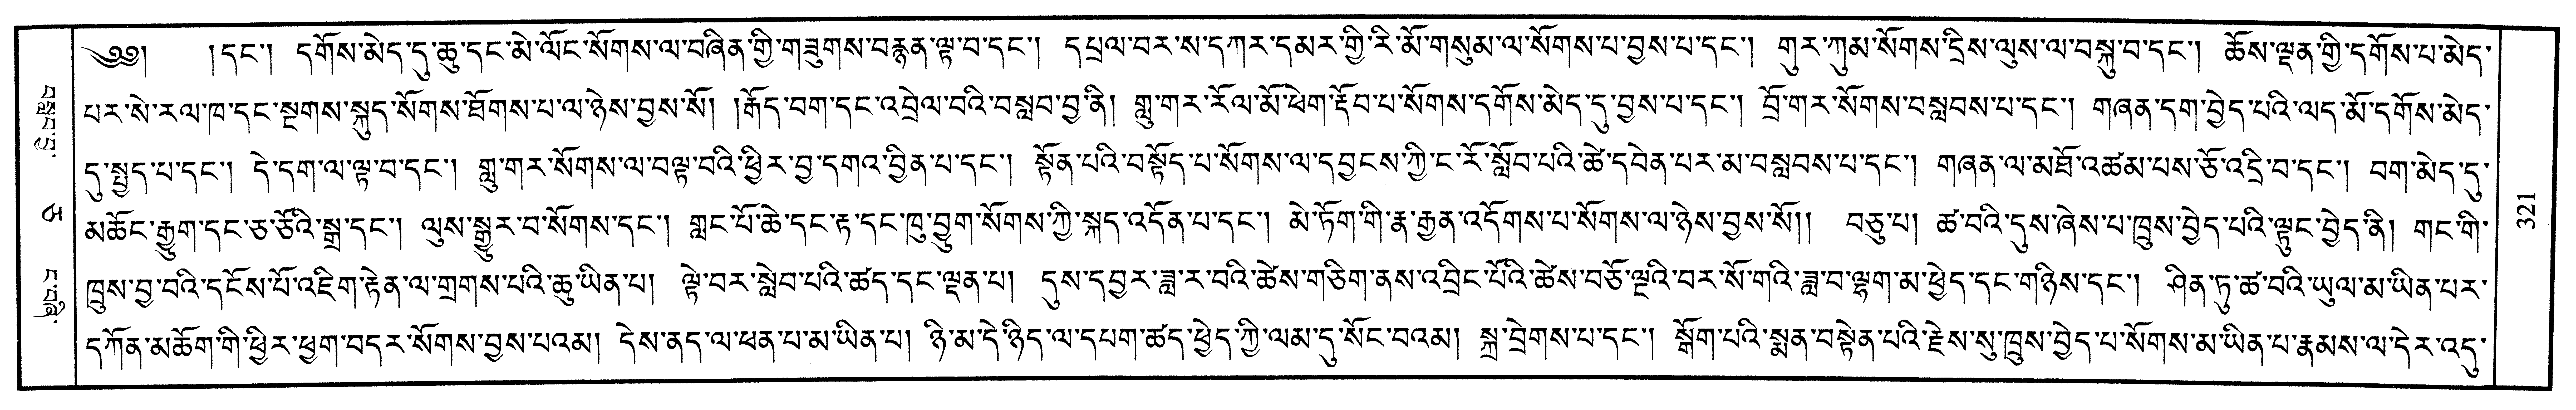༄༅། །དང་། དགོས་མེད་དུ་ཆུ་དང་མེ་ལོངས་སོགས་ལ་བཞིན་གྱི་གཟུགས་བརྙན་ལྟ་བ་དང་། དཔྲལ་བར་ས་དཀར་དམར་གྱི་རི་མོ་གསུམ་ལ་སོགས་པ་བྱས་པ་དང་། གུར་ཀུམ་སོགས་དྲིས་ལུས་ལ་བསྐུ་བ་དང་། ཆོས་ལྡན་གྱི་དགོས་པ་མེད་
པར་སེ་རལ་ཁ་དང་སྔགས་སྐུད་སོགས་ཐོགས་པ་ལ་ཉེས་བྱས་སོ། །རྒོད་བག་དང་འབྲེལ་བའི་བསླབ་བྱ་ནི། གླུ་གར་རོལ་མོ་ཕེག་རྡོབ་པ་སོགས་དགོས་མེད་དུ་བྱས་པ་དང་། བྲོ་གར་སོགས་བསླབས་པ་དང་། གཞན་དག་བྱེད་པའི་ལད་མོ་དགོས་མེད་
དུ་སྤྱད་པ་དང་། དེ་དག་ལ་ལྟ་བ་དང་། གླུ་གར་སོགས་ལ་བལྟ་བའི་ཕྱིར་བྱ་དགའ་བྱིན་པ་དང་། སྟོན་པའི་བསྟོད་པ་སོགས་ལ་དབྱངས་ཀྱི་ང་རོ་སློབ་པའི་ཚེ་དབེན་པར་མ་བསླབས་པ་དང་། གཞན་ལ་མཐོ་འཚམ་པས་ཅོ་འདྲི་བ་དང་། བག་མེད་དུ་
མཆོང་རྒྱུག་དང་ཅ་ཅོའི་སྒྲ་དང་། ལུས་སྒྱུར་བ་སོགས་དང་། གླང་པོ་ཆེ་དང་རྟ་དང་ཁུ་བྱུག་སོགས་ཀྱི་སྐད་འདོན་པ་དང་། མེ་ཏོག་གི་རྣ་རྒྱན་འདོགས་པ་སོགས་ལ་ཉེས་བྱས་སོ།། བཅུ་པ། ཚ་བའི་དུས་ཞེས་པ་ཁྲུས་བྱེད་པའི་ལྟུང་བྱེད་ནི། གང་གི་
ཁྲུས་བྱ་བའི་དངོས་པོ་འཇིག་རྟེན་ལ་གྲགས་པའི་ཆུ་ཡིན་པ། ལྟེ་བར་སླེབ་པའི་ཚད་དང་ལྡན་པ། དུས་དབྱར་ཟླ་ར་བའི་ཚེས་གཅིག་ནས་འབྲིང་པོའི་ཚེས་བཅོ་ལྔའི་བར་སོ་གའི་ཟླ་བ་ལྷག་མ་ཕྱེད་དང་གཉིས་དང་། ཤིན་ཏུ་ཚ་བའི་ཡུལ་མ་ཡིན་པར་
དཀོན་མཆོག་གི་ཕྱིར་ཕྱག་བདར་སོགས་བྱས་པའམ། དེས་ནད་ལ་ཕན་པ་མ་ཡིན་པ། ཉི་མ་དེ་ཉིད་ལ་དཔག་ཚད་ཕྱེད་ཀྱི་ལམ་དུ་སོང་བའམ། སྐྲ་བྲེགས་པ་དང་། སྒོག་པའི་སྨན་བསྟེན་པའི་རྗེས་སུ་ཁྲུས་བྱེད་པ་སོགས་མ་ཡིན་པ་རྣམས་ལ་དེར་འདུ་